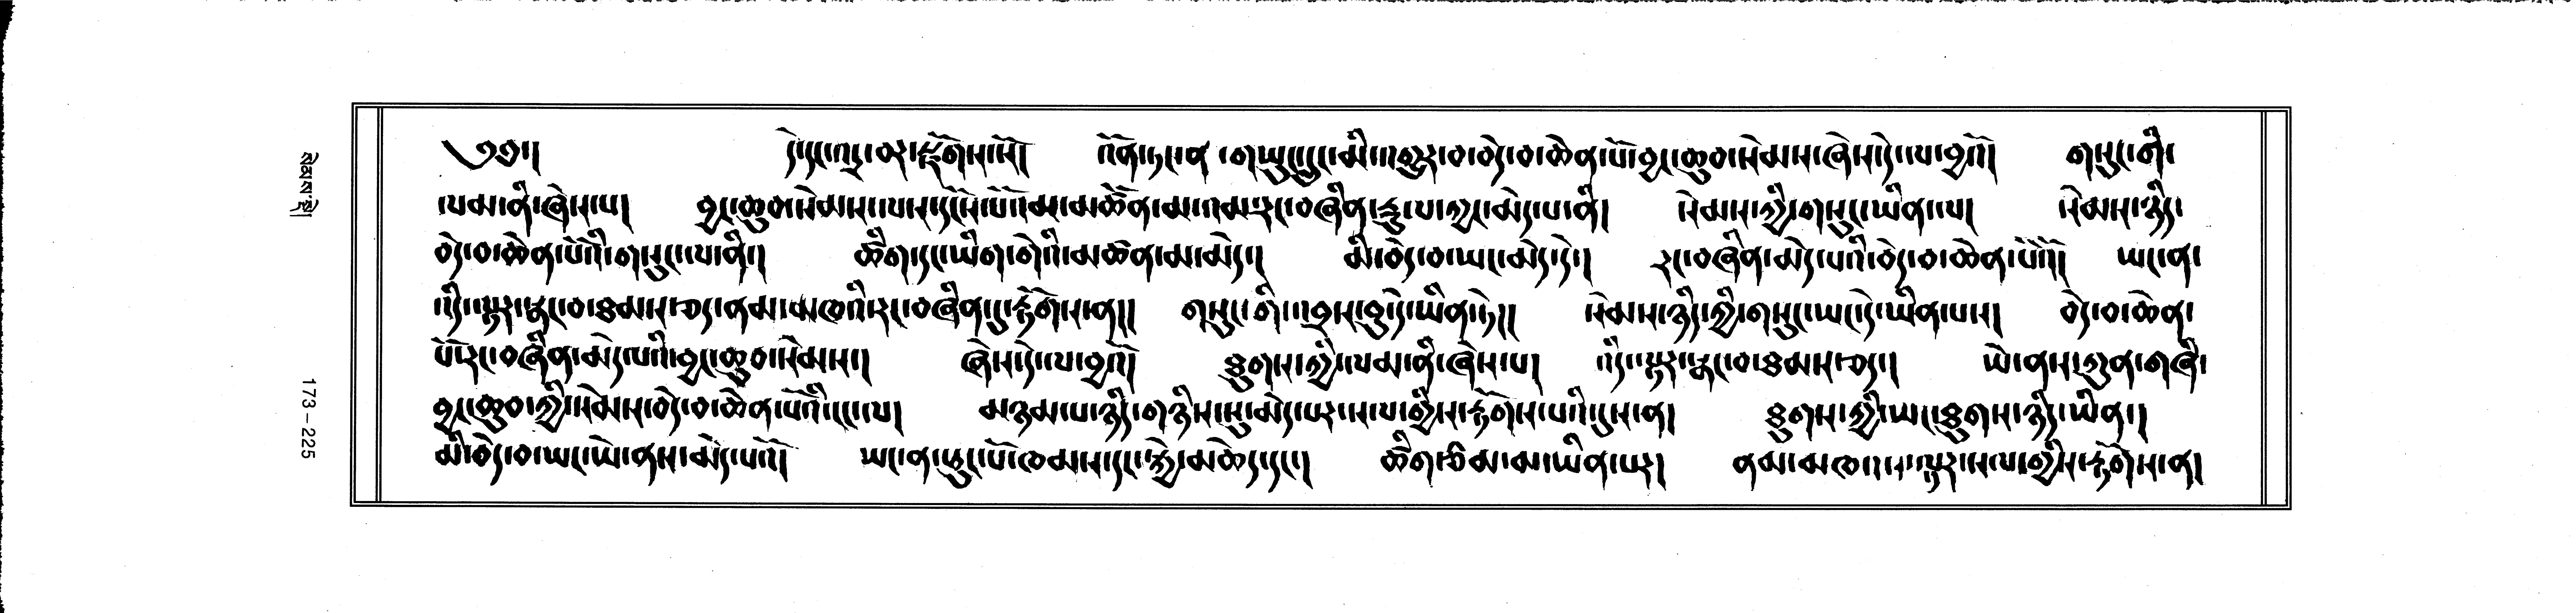དེ་དང་འདྲ་བར་རྫོགས་སོ། །འོན་ཏང་ན་གཡུང་དྲུང་མི་འགྱུར་བ་བདེ་བ་ཆེན་པོ་བྱང་ཆུབ་སེམས་ཞེས་དེ་ལ་བྱའོ། །གསུང་གི་
ལམ་ནི་ཞེས་པ། བྱང་ཆུབ་སེམས་ལས་དངོས་པོའམ་མཚན་མའམ་རང་བཞིན་རྡུལ་ཀྱང་མེད་པ་ནི་སེམས་ཀྱི་གསུང་ཡིན་ལ། སེམས་ཉིད་
བདེ་བ་ཆེན་པོའི་གསུང་ལ་ནི། ཚིག་དང་ཡི་གེའི་མཚན་མ་མེད། མི་བདེ་བ་ཡང་མེད་དེ། རང་བཞིན་མེད་པའི་བདེ་བ་ཆེན་པོའོ། །ཡང་ན་
འདི་ལྟར་སྣང་བ་ཐམས་ཅད་ནམ་མཁའི་རངང་བཞིན་དུ་རྟོགས་ན་གསུང་གི་འབྲས་བུ་དེ་ཡིན་ཏེ། སེམས་ཉིད་ཀྱི་གསུང་ཡང་དེ་ཡིན་པས། བདེ་བ་ཆེན་
པོ་རང་བཞིན་མེད་པའི་བྱང་ཆུབ་སེམས་ཞེས་དེ་ལ་བྱའོ། །ཐུགས་ཀྱི་ལམ་ནི་ཞེས་པ། འདི་ལྟར་སྣང་བ་ཐམས་ཅད། ཡེ་ནས་ཀུན་གཞི་
བྱང་ཆུབ་ཀྱི་སེམས་བདེ་བ་ཆེན་པོའི་ངང་ལ། མཉམ་པ་ཉིད་གཉིས་སུ་མེད་པར་སལ་གྱིས་རྟོགས་པའི་དུས་ན། ཐུགས་ཀྱི་ཡང་ཐུགས་ཉིད་ཡིན། 
མི་བདེ་བ་ཡང་ཡེ་ནས་མེད་པའོ། །ཡང་ན་ཕུང་པོ་ཁམས་དང་སྐྱེ་མཆེད་དང་། ཚིག་ཙམ་མ་ཡིན་པར། ནམ་མཁའ་ལྟར་སལ་གྱིས་རྟོགས་ན།